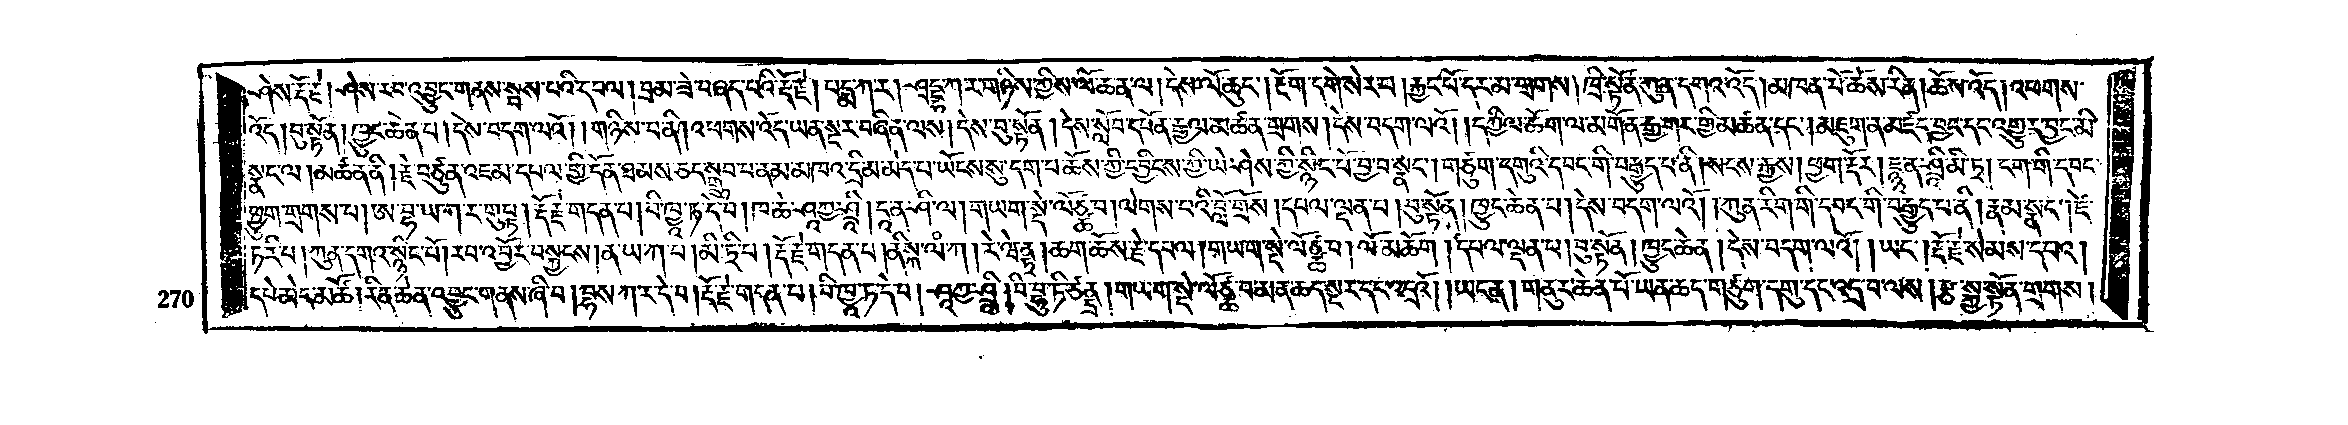ཤེས་རྡོ་རྗེ། ཤེས་རབ་འབྱུང་གནས་སྦས་པའི་དཔལ། བྲམ་ཟེ་བཞད་པའི་རྡོ་རྗེ། པདམ་ཀ་ར། ཤྲདྡྷ་ཀ་ར་གཉིས་ཀྱིས་ལོ་ཆ་ན་?་ལ། དེས་ལོ་ཆུང་། རྡོག་དགེ་སེར་པ། རྐྱང་པོ་དར་མ་གྲགས། ཁྲི་སྟོན་ཀུན་དགའ་འོད། མཁན་པོ་ཆོས་རིན། ཆོས་འོད། འཕགས་
འོད། བུ་སྟོན། ཁྱུང་ཆེན་པ། དེས་བདག་ལའོ། །གཉིས་པ་ནི། ཕགས་འོད་ཡན་སྔར་བཞིན་ལས་།དེས་བུ་སྪོན། དེས་སློབ་དཔོན་རྒྱལ་མཚན་གྲགས། དེས་བདག་ལའོ། །དཀྱིལ་ཆོག་ལ་མགོ་ན་རྒྱ་གར་གྱི་མཚན་དང་། མཇུག་ན་མཛད་བྱང་དང་འགྱུར་བྱང་མི་
སྣང་ལ། མཚན་ནི། རྗེ་བཙུན་འཇམ་དཔལ་གྱི་དོན་ཐམས་ཅད་སྒྲུབ་པ་ནམ་མཁའ་དྲི་མ་མེད་པ་ཡོངས་སུ་དག་པ་ཆོས་ཀྱི་དབྱིངས་ཀྱི་ཡེ་ཤེས་ཀྱི་སྙིང་པོ་བྱ་བ་སྣང་། གཙུག་དགུའི་དབང་གི་བརྒྱུད་པ་ནི། སངས་རྒྱས། ཕྱག་རྡོར། ཇཉཱ་ན་ཤྲཱི་མི་ཏྲ། ངག་གི་དབང་
ཕྱུག་གྲགས་པ། ཨ་བྷ་ཡ་ག་ར་གུཔྟ། རྡོ་རྗེ་གདན་པ། བི་ཁྱཱ་ཏ་དེ་བ། ཁ་ཆེ་ཤཱཀྱ་ཤྲཱི། དཱ་ན་ཤི་ལ། གཡག་སྡེ་ལོ་ཙྪ་བ། ལེགས་པའི་བློ་གྲོས། དཔལ་ལྡན་པ། བུ་སྟོན། ཁྱུང་ཆེན་པ། དེས་བདག་ལའོ། །ཀུན་རིག་གི་དབང་གི་བརྒྱུད་པ་ནི། རྣམ་སྣང་། ཛེ་
ཏ་རི་པ། ཀུན་དགའ་སྙིང་པོ། རབ་འབྱོར་བསྐྱངས། ན་ཡ་ཀ་པ། མི་ཏྲི་པ། རྡོ་རྗེ་གདན་པ། ནི་སྐ་ལཾ་ཀ། རེ་ཝེནྟྲ། ཆག་ཆོས་རྗེ་དཔལ། གཡག་སྡེ་ལོ་ཙྪ་བ། ལོ་མཆོག །དཔལ་ལྡན་པ། བུ་སྟོན། ཁྱུང་ཆེན། དེས་བདག་ལའོ། །ཡང་། རྡོ་རྗེ་སེམས་དཔའ།
དཔེ་མེད་མཚོ། རིན་ཆེན་འབྱུང་གནས་ཞི་བ། བྷས་ཀ་ར་དེ་བ། རྡོ་རྗེ་གདན་པ། བི་ཁྱཱ་ཏ་དེ་པ། ཤཱཀྱ་ཤྲཱི། བི་བྷུ་ཏི་ཙནྡྲ། གཡག་སྡེ་ལོཙྪ་བ་མན་ཆད་སྔར་དང་འདྲའོ། །ཡང་ན། གནུར་ཆེན་པོ་ཡན་ཆད་གཙུག་དགུ་དང་འདྲ་བ་ལས། རྩ་སྐྱ་སྟོན་གྲགས།